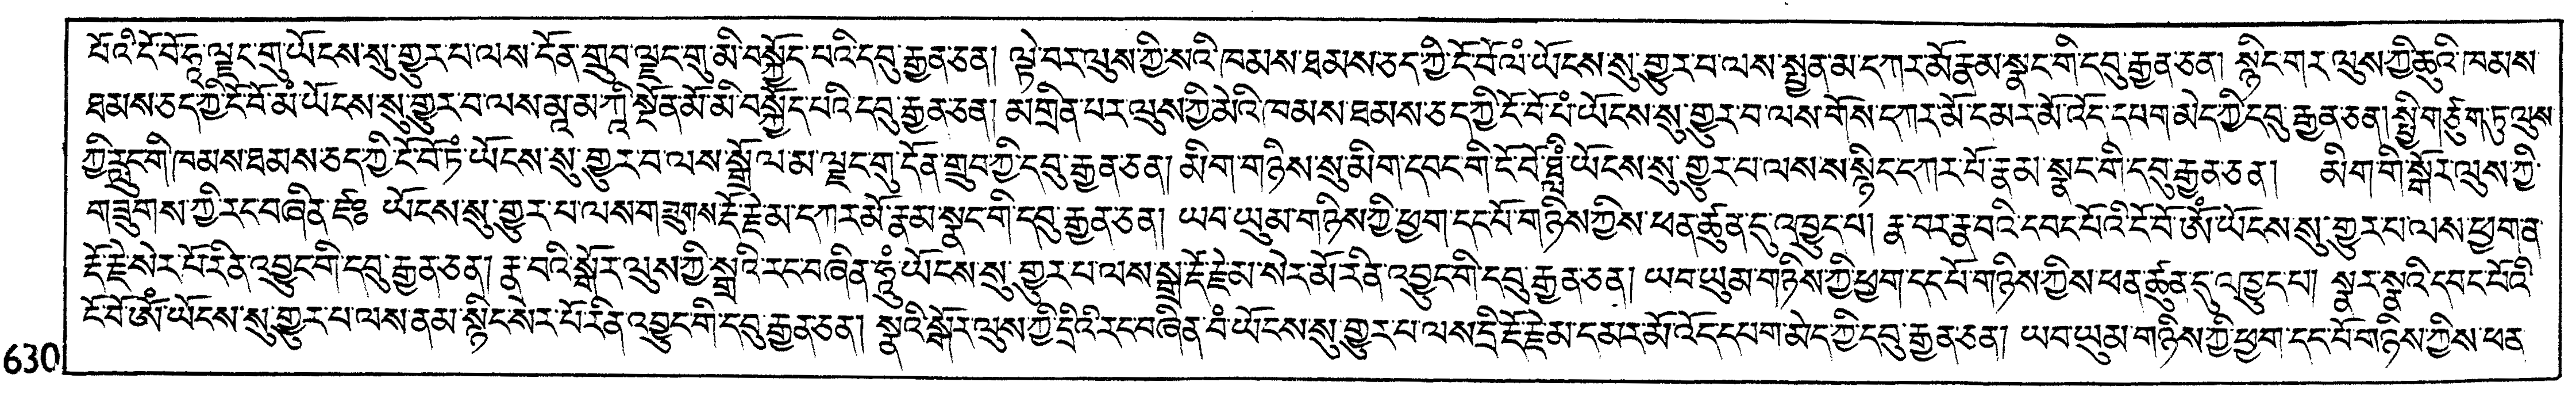པོའི་ངོ་བོ་ཧཱ་ལྗང་གུ་ཡོངས་སུ་གྱུར་པ་ལས་དོན་གྲུབ་ལྗང་གུ་མི་བསྐྱོད་པའི་དབུ་རྒྱན་ཅན། ལྟེ་བར་ལུས་ཀྱིས་པའི་ཁམས་ཐམས་ཅད་ཀྱི་ངོ་བོ་ལཾ་ཡོངས་སུ་གྱུར་པ་ལས་སྤྱན་མ་དཀར་མོ་རྣམ་སྣང་གི་དབུ་རྒྱན་ཅན། སྙིང་གར་ལུས་ཀྱི་ཆུའི་ཁམས་
ཐམས་ཅད་ཀྱི་ངོ་བོ་མཾ་ཡོངས་སུ་གྱུར་བ་ལས་མཱ་མ་ཀཱི་སྔོན་མོ་མི་བསྐྱོད་པའི་དབུ་རྒྱན་ཅན། མགྲིན་པར་ལུས་ཀྱི་མེའི་ཁམས་ཐམས་ཅད་ཀྱི་ངོ་བོ་པཾ་ཡོངས་སུ་གྱུར་བ་ལས་གོས་དཀར་མོ་དམར་མོ་འོད་དཔག་མེད་ཀྱི་དབུ་རྒྱན་ཅན། སྤྱི་གཙུག་ཏུ་ལུས་
ཀྱི་རླུང་གི་ཁམས་ཐམས་ཅད་ཀྱི་ངོ་བོ་ཏཾ་ཡོངས་སུ་གྱུར་བ་ལས་སྒྲོལ་མ་ལྗང་གུ་དོན་གྲུབ་ཀྱི་དབུ་རྒྱན་ཅན། མིག་གཉིས་སུ་མིག་དབང་གི་ངོ་བོ་ཐམས་ཅད་ལ་ཡོངས་སུ་གྱུར་པ་ལས་ས་སྙིང་དཀར་པོ་རྣམ་སྣང་གི་དབུ་རྒྱན་ཅན། མིག་གི་སྒོར་ལུས་ཀྱི་
གཟུགས་ཀྱི་རང་བཞིན་ཛཿ ཡོངས་སུ་གྱུར་པ་ལས་གཟུགས་རྡོ་རྗེ་མ་དཀར་མོ་རྣམ་སྣང་གི་དབུ་རྒྱན་ཅན། ཡབ་ཡུམ་གཉིས་ཀྱི་ཕྱག་དང་པོ་གཉིས་ཀྱིས་ཕན་ཚུན་དུ་འཁྱུད་པ། རྣ་བར་རྣ་བའི་དབང་པོའི་ངོ་བོ་ཨོཾ་ཡོངས་སུ་གྱུར་པ་ལས་ཕྱག་ན་
རྡོ་རྗེ་སེར་པོ་རིན་འབྱུང་གི་དབུ་རྒྱན་ཅན། རྣ་བའི་སྒོར་ལུས་ཀྱི་སྒྲའི་རང་བཞིན་ཧཱུཾ་ཡོངས་སུ་གྱུར་པ་ལས་སྒྲ་རྡོ་རྗེ་མ་སེར་མོ་རིན་འབྱུང་གི་དབུ་རྒྱན་ཅན། ཡབ་ཡུམ་གཉིས་ཀྱི་ཕྱག་དང་པོ་གཉིས་ཀྱིས་ཕན་ཚུན་དུ་འཁྱུད་པ། སྣར་སྣའི་དབང་པོའི་
ངོ་བོ་ཨོཾ་ཡོངས་སུ་གྱུར་པ་ལས་ནམ་སྙིང་སེར་པོ་རིན་འབྱུང་གི་དབུ་རྒྱན་ཅན། སྣའི་སྒོར་ལུས་ཀྱི་དྲིའི་རང་བཞིན་བཾ་ཡོངས་སུ་གྱུར་པ་ལས་དྲི་རྡོ་རྗེ་མ་དམར་མོ་འོད་དཔག་མེད་ཀྱི་དབུ་རྒྱན་ཅན། ཡབ་ཡུམ་གཉིས་ཀྱི་ཕྱག་དང་པོ་གཉིས་ཀྱིས་ཕན་